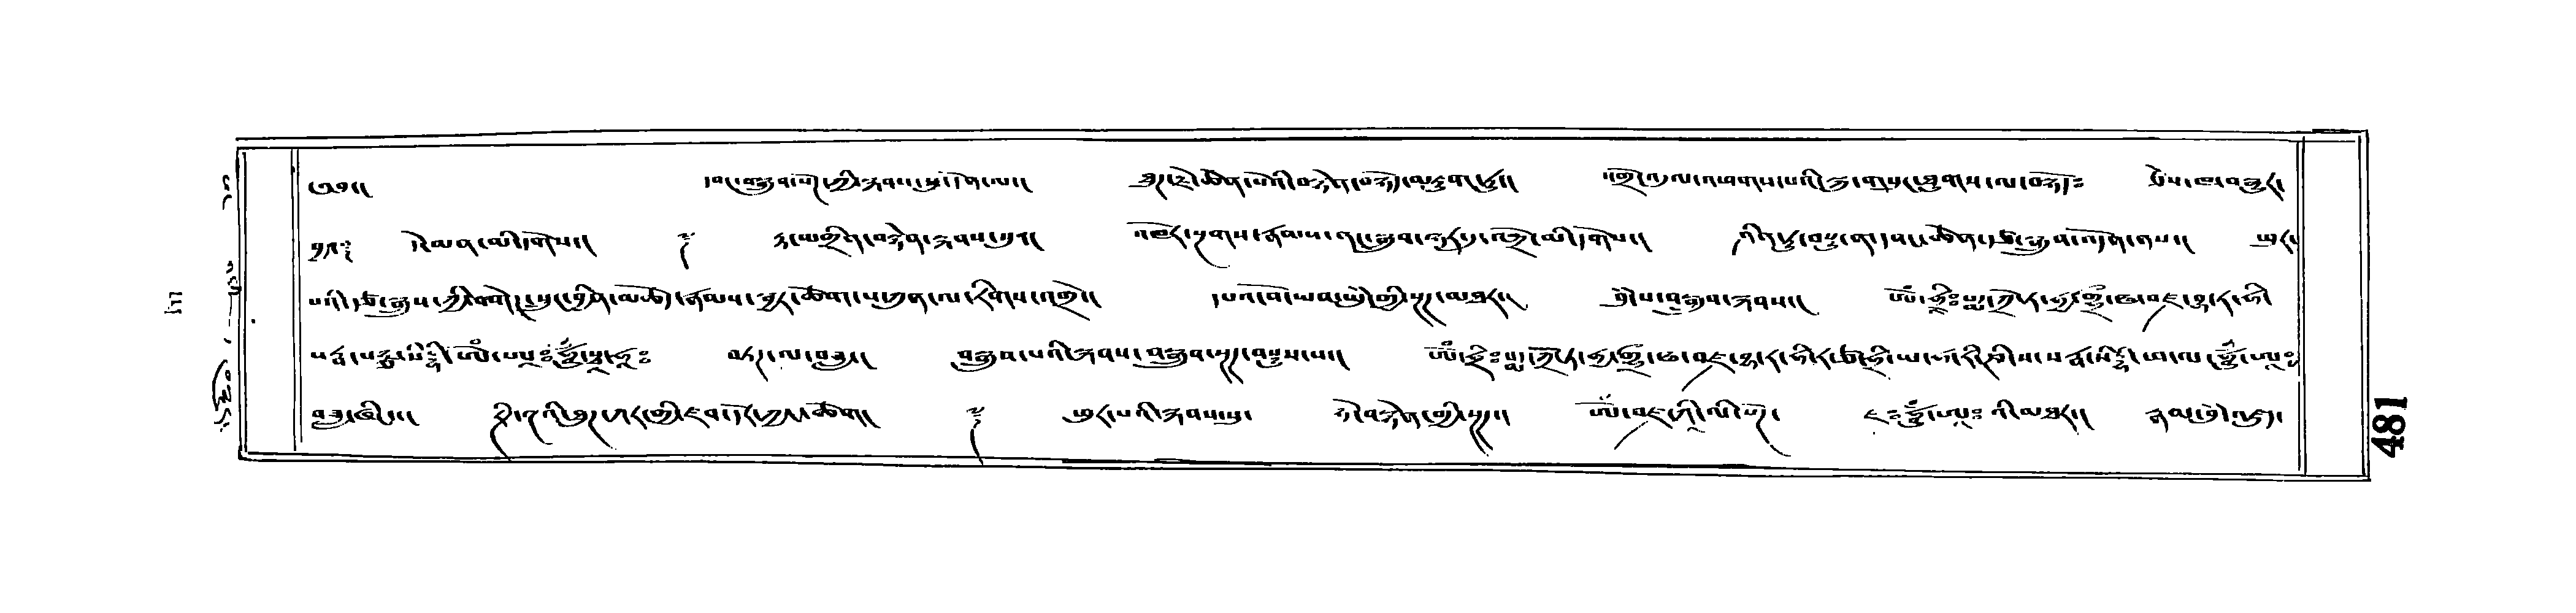དབང་བསྒྲུབ་སོགས་ཀྱི་སྐབས་སུ་དོན་ལ། ཐུགས་རྗེ་ཆེན་པོའི་བསྙེན་བསྟོད་མཇུག་ཏུ། འགྲོ་འདུལ་འཕགས་པའི་སྐུ་གསུང་ཐུགས་ལ་བསྟོད༔ ཅེས་ཁ་བསྒྱུར་
བྱ། དེ་མན་མི་དགོས། ༈ རྟ་མགྲིན་བསྙེན་སྐབས་སུ། འཁོར་སྔགས་རྣམས་ནང་སྒྲུབ་ལྟར་དུ་འགྲོ་མི་དགོས། ཤིན་ཏུ་བསྡུ་ན་དབང་ཆེན་རྩ་སྒྲུབ་འདོན་ནས། ཕུར་
བའི་རྩ་སྒྲུབ་ཀྱི་བགེགས་སྲུང་བྱིན་མཆོད་རྣམས་སྦྱར་ཆོག་པ་ཀུན་ལ་རིགས་འགྲེ། དཔའ་བོ་ཡབ་ཡུམ་གྱི་སྔགས་མཐར། བུམ་པ་བསྒྲུབ་སྐབས། ཨོཾ་ཧྲཱིཿཔདྨ་ཀྲོ་ཏ་ཧྱ་གྷྲྀ་ཝ་བཛྲ་བྷ་ར་ཧི་
སརྦ་པཉྩ་སིདྡྷི་ཨོཾ་ཨཱཿཧཱུྃ་སྭཱ་ཧཱཿ བཏགས་ལ་བཟླ། བསྒྲུབ་པའི་སྐབས་བསྒྲུབ་སྔགས་བསྡུས་པ། ཨོཾ་ཧྲིཿཔདྨ་ཀྲོ་ཏ་ཧྱ་གྷྲ་ཝ་བཛྲ་བྷ་ར་ཧི་ར་ཙ་ཧྲི་ཡ་ཧ་རི་ཎི་ས་སརྦ་སིདྡྷི་ཕ་ལ་ཧཱུྃ་ཨཱཿ 
བཟླ་ཞིང་། རིགས་ལྔའི་ཐུགས་ཀར་གྱི་འཛབ་དོར་ཀྱང་ཆོག ༈ ཕུར་པའི་སྐབས་སུ། ཉེ་བསྙེན་གྱི་སྔགས། ཨོཾ་བཛྲ་ཀཱི་ལི་སོགས། ཛཿཧཱུྃ་ཨཱཿའི་མཐར། རྣམ་བུམ་འཛུད་